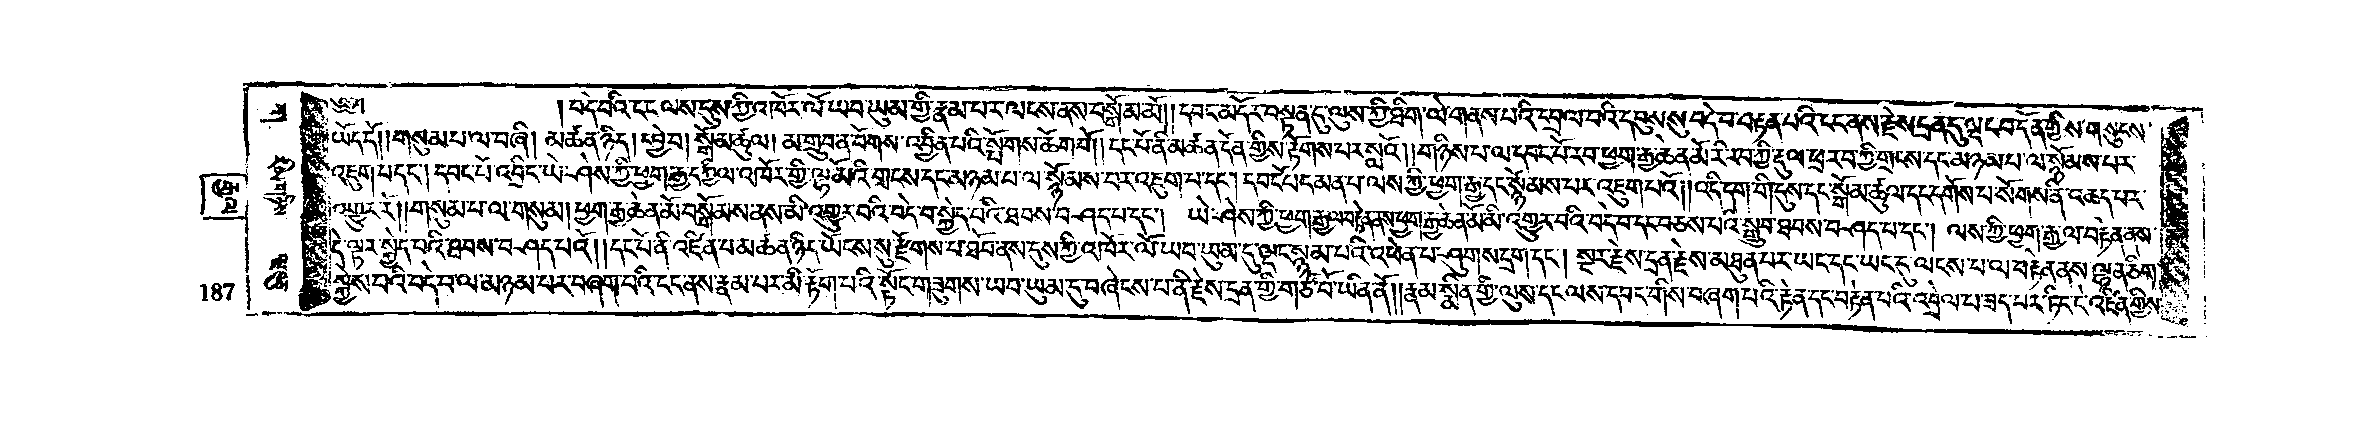༄༅། །བདེ་བའི་ངང་ལས་དུས་ཀྱི་འཁོར་ལོ་ཡབ་ཡུམ་གྱི་རྣམ་པར་ལངས་ནས་བསྒོམ་མོ། །དབང་མདོར་བསྟན་དུ་ལུས་ཀྱི་ཐིག་ལེ་གནས་པའི་དཔྲལ་པའི་དབུས་སུ་བདེ་བ་བརྟན་པའི་ངང་ནས་རྗེས་དྲན་དུ་ལྡང་བ་དོན་གྱིས་གསུངས་
ཡོད་དོ། །གསུམ་པ་ལ་བཞི། མཚན་ཉིད། དབྱེ་བ། སྒོམ་ཚུལ། མ་གྲུབ་ན་བོགས་འབྱིན་པའི་སྤོགས་ཆོག་གོ །དང་པོ་ནི་མཚན་དོན་གྱིས་རྟོགས་པར་སླའོ། །གཉིས་པ་ལ་དབང་པོ་རབ་ཕྱག་རྒྱ་ཆེན་མོ་རི་རབ་ཀྱི་རྡུལ་ཕྲ་རབ་ཀྱི་གྲངས་དང་མཉམ་པ་ལ་སྙོམས་པར་
འཇུག་པ་དང་། དབང་པོ་འབྲིང་ཡེ་ཤེས་ཀྱི་ཕྱག་རྒྱ་དཀྱིལ་འཁོར་གྱི་ལྷ་མོའི་གྲངས་དང་མཉམ་པ་ལ་སྙོམས་པར་འཇུག་པ་དང་། དབང་པོ་དམན་པ་ལས་ཀྱི་ཕྱག་རྒྱ་དང་སྙོམས་པར་འཇུག་པའོ། །འདི་དག་གི་དུས་དང་སྒོམ་ཚུལ་དང་དགོས་པ་སོགས་ནི་འཆད་པར་
འགྱུར་རོ། །གསུམ་པ་ལ་གསུམ། ཕྱག་རྒྱ་ཆེན་མོ་བསྒོམས་ནས་མི་འགྱུར་བའི་བདེ་བ་སྐྱེད་པའི་ཐབས་བཤད་པ་དང་། ཡེ་ཤེས་ཀྱི་ཕྱག་རྒྱལ་བརྟེན་ནས་ཕྱག་རྒྱ་ཆེན་མོ་མི་འགྱུར་བའི་བདེ་བ་དང་བཅས་པའི་སྒྲུབ་ཐབས་བཤད་པ་དང་། ལས་ཀྱི་ཕྱག་རྒྱ་ལ་བརྟེན་ནས་
དེ་ལྟར་སྐྱེད་པའི་ཐབས་བཤད་པའོ། །དང་པོ་ནི་འཛིན་པ་མཚན་ཉིད་ཡོངས་སུ་རྫོགས་པ་ཐོབ་ནས་དུས་ཀྱི་འཁོར་ལོ་ཡབ་ཡུམ་དུ་ལྡང་སྙམ་པའི་འཕེན་པ་ཤུགས་དྲག་དང་། སྔར་རྗེས་དྲན་རྗེས་མཐུན་པར་ཡང་དང་ཡང་དུ་ལངས་པ་ལ་བརྟེན་ནས་ལྷན་ཅིག་
སྐྱེས་པའི་བདེ་བ་ལ་མཉམ་པར་བཞག་པའི་ངང་ནས་རྣམ་པར་མི་རྟོག་པའི་སྟོང་གཟུགས་ཡབ་ཡུམ་དུ་བཞེངས་པ་ནི་རྗེས་དྲན་གྱི་གཙོ་བོ་ཡིན་ནོ། །རྣམ་སྨིན་གྱི་ལུས་དང་ལས་དབང་གིས་བཞག་པའི་རྟེན་དང་བརྟེན་པའི་འབྲེལ་པ་ཟད་པར་ཏིང་ངེ་འཛིན་གྱིས་